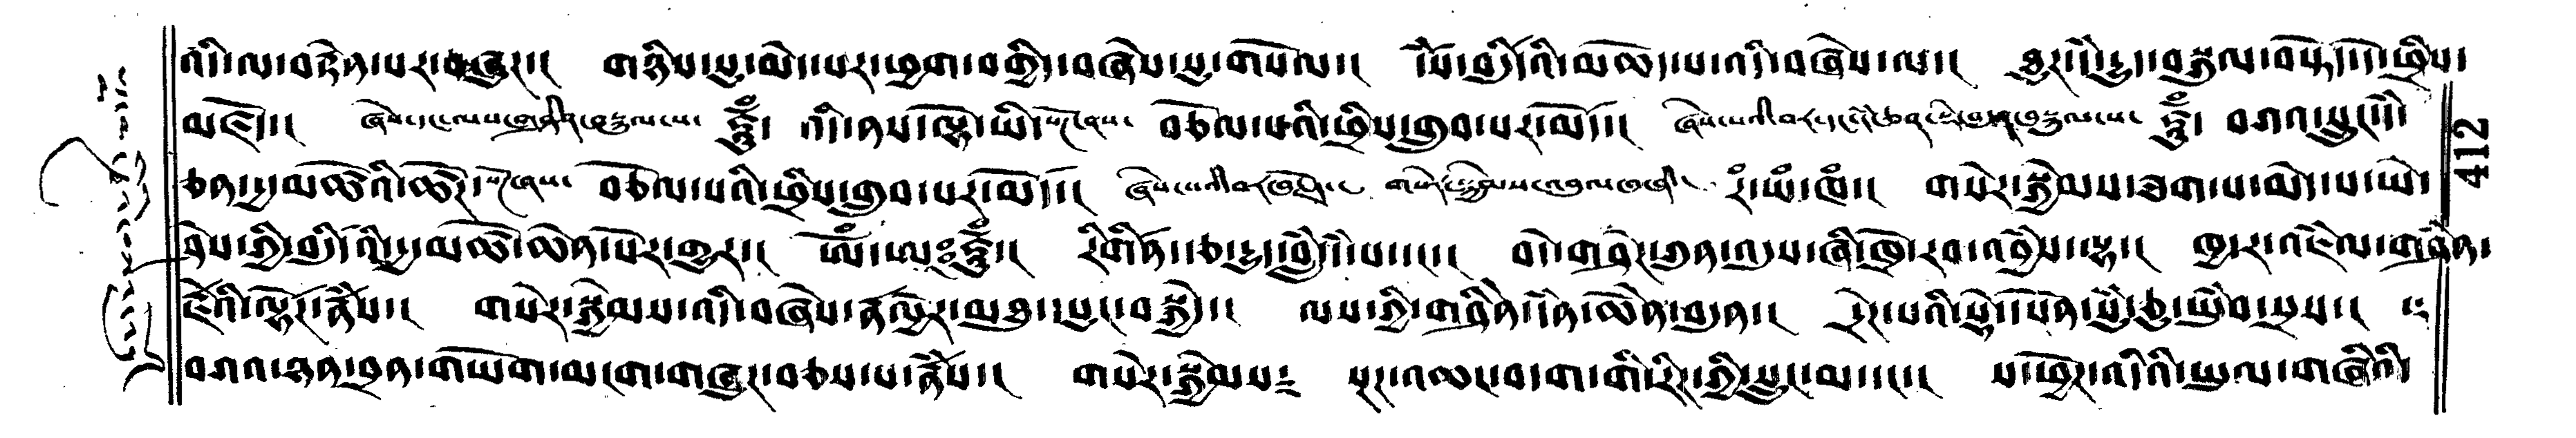འདི་ལ་བརྟན་པར་བཞུགས། །གཉིས་སུ་མེད་པར་ཕྱག་བགྱིད་བཞེས་སུ་གསོལ། །དམ་རྫས་བདུད་རྩིའི་མཆོད་པ་འདི་བཞེས་ལ། །ཐུགས་དམ་རྒྱུད་བསྐུལ་བསྟོད་དོ་ཕྲིན་ལས་
མཛོད། ། ཞེས་དང་ལས་གཤིན་སྐུལ་བ། ཧཱུྃ། འདི་ནས་ལྷོ་ཡི་སོགས་ནས་བཅོལ་པའི་ཕྲིན་ལས་གྲུབ་པར་མཛོད། ། ཞེས་པའི་བར་དང་དམ་ཅན་སྡེ་བདུན་སྐུལ་བ། ཧཱུྃ། བཀའ་སྲུང་དམ་
ཅན་རྒྱ་མཚོའི་ཚོགས་སོགས་ནས་བཅོལ་པའི་ཕྲིན་ལས་གྲུབ་པར་མཛོད། །ཞེས་པའི་བར་རྗོད། གསེར་སྐྱེམས་འབུལ་བ་ནི། རཾ་ཡཾ་ཁཾ། གསེར་སྐྱེམས་ཟག་པ་མེད་པ་ཡེ་
ཤེས་ཀྱི་བདུད་རྩིའི་རྒྱ་མཚོ་ཆེན་པོར་གྱུར། ཨོཾ་ཨཱཿཧཱུྃ། རིག་འཛིན་རྩ་རྒྱུད་བླ་མ་དམ་པ་དང་། །བདེ་གཤེགས་ཀུན་འདུས་ཞི་ཁྲོ་རབ་འབྱམས་ལྷ། ཁྱད་པར་འཇམ་དཔལ་གཤིན་
རྗེའི་ལྷ་ཚོགས་རྣམས། །གསེར་སྐྱེམས་འདི་བཞེས་རྣལ་འབྱོར་མཐུ་དཔུང་བསྐྱེད། །ལས་ཀྱི་གཤིན་རྗེ་དམ་ཅན་ཆེན་པོ་བདུན། །དྲེགས་པའི་སྡེ་དཔོན་སུམ་ཅུ་ཡབ་ཡུམ་སྲས། །
བཀའ་ཉན་བྲན་གཡོག་མངག་གཞུག་བཅས་པ་རྣམས། །གསེར་སྐྱེམས༴ སྔགས་འཆང་བདག་གི་རིགས་ཀྱི་སྲུང་མ་དང་། །ས་ཕྱོགས་འདིའི་ཡུལ་གཞིའི་